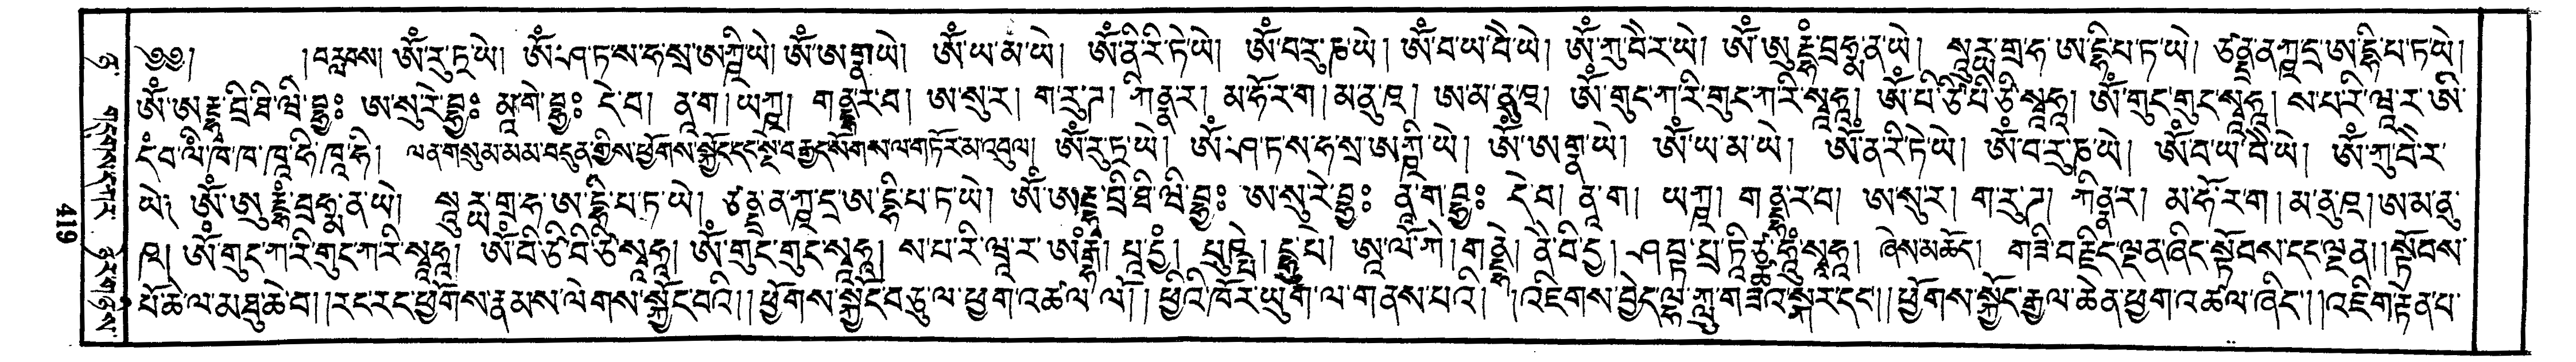༄༅། །བརླབས།  ཨོཾ་རུ་ཏྲ་ཡེ། ཨོཾ་ཤ་ཏྶ་ཧ་སྲ་ཨཀྵི་ཡེ། ཨོཾ་ཨགན་ཡེ། ཨོཾ་ཡ་མ་ཡེ། ཨོཾ་ནེ་རི་ཏེ་ཡེ། ཨོཾ་བ་རུ་ཎ་ཡེ། ཨོཾ་བ་ཡ་བཻ་ཡེ། ཨོཾ་ཀུ་བཻ་ར་ཡེ། ཨོཾ་ཨུརྡྷཾ་བྲཧྨ་ན་ཡེ། སཱུརྱ་གྲ་ཧ་ཨ་དྷི་པ་ཏ་ཡེ། ཙནྡྲ་ནཀྵ་དྲ་ཨ་དྷི་པ་ཏ་ཡེ།
ཨོཾ་ཨརྡྷྭ་པྲི་ཐི་ཝི་བྷྱཿཨ་སུ་རེ་བྷྱཿནཱ་གེ་བྷྱཿདེ་བ། ནཱ་ག །ཡཀྵ། གནྡྷར་བ། ཨ་སུ་ར། ཨ་རུ་ཌཾ། ཀིནྣ་ར། མ་ཧོ་ར་ག། མནུ་ཥ། ཨ་མ་ནུ་ཥྲ། ཨོཾ་གུང་ག་རི་གུང་ཀ་རི་སྭཱཧཱ། ཨོཾ་པི་ཙི་པི་ཙི་སྭཱཧཱ། ཨོཾ་གུང་གུང་སྭཱཧཱ། ས་པ་རི་ཝཱ་ར་ཨི་
དཾ་བ་ལིཾ་ཁ་ཁ་ཁཱ་ཧི་ཁཱ་ཧི། ལན་གསུམ་མ་མ་བདུན་གྱིས་ཕྱོགས་སྐྱོང་དང་སྡེ་བརྒྱད་སོགས་ལ་གཏོར་མ་འབུལ།  ཨོཾ་རུ་ཏྲ་ཡེ། ཨོཾ་ཤ་ཏྶ་ཧ་སྲ་ཨཀྵི་ཡེ། ཨོཾ་ཨང་ཡེ། ཨོཾ་ཡ་མ་ཡེ། ཨོཾ་ནེ་རི་ཏེ་ཡེ། ཨོཾ་བ་རུཎ་ཡེ། ཨོཾ་བ་ཡ་བཻ་ཡེ། ཨོཾ་ཀུ་བཻ་ར་
ཡེ༑ ཨོཾ་ཨུརྡྷཾ་བྲཧྨ་ན་ཡེ། སཱུརྱ་གྲ་ཧ་ཨ་དྷི་པ་ཧ་ཡེ། ཙནྡྲ་ནཀྵ་དྲ་ཨ་དྷི་པ་ཏ་ཡེ། ཨོཾ་ཨརྡྷྭ་པྲི་ཐི་ཝི་བྷྱཿཨ་སུ་རེ་བྷྱཿ ནཱ་གེ་བྷྱཿ དེ་བ། ནཱ་ག། ཡཀྵ། གནྡྷར་བ། ཨ་སུ་ར། ག་རུ་ཌ། ཀིནྣ་ར། མ་ཧོ་ར་ག །ན་ནུ་ཥ། ཨ་མ་ནུ་
ཥ། ཨོཾ་གུང་ཀ་རི་གུང་ཀ་རི་སྭཱཧཱ། ཨོཾ་པི་ཙི་པི་ཙི་སྭཱཧཱ། ཨོཾ་གུང་གུང་སྭཱཧཱ། ས་པ་རི་ཝཱ་ར་ཨརྒྷཾ། པཱ་དྱཾ། པུཥྤེ། དྷཱུ་པེ། ཨཱ་ལོ་ཀེ །གནྡྷེ། ནཻ་བི་དྱ། ཤབཏ་པྲ་ཏཱིཙྪ་ཧཱུཾ་སྭཱཧཱ། ཞེས་མཆོད།  གཟི་བརྗིད་ལྡན་ཞིང་སྟོབས་དང་ལྡན། །སྟོབས་
པོ་ཆེ་ལ་མཐུ་ཆེ་བ། །རང་རང་ཕྱོགས་རྣམས་ལེགས་སྐྱོང་བའི། །ཕྱོགས་སྐྱོང་བཅུ་ལ་ཕྱག་འཚལ་ལོ། །ཕྱིའི་ཁོར་ཡུག་ལ་གནས་པའི། །འཇིགས་བྱེད་ལྷ་ཀླུ་གཟའ་སྐར་དང་། །ཕྱོགས་སྐྱོང་རྒྱལ་ཆེན་ཕྱག་འཚལ་ཞིང་། །འཇིག་རྟེན་པ་